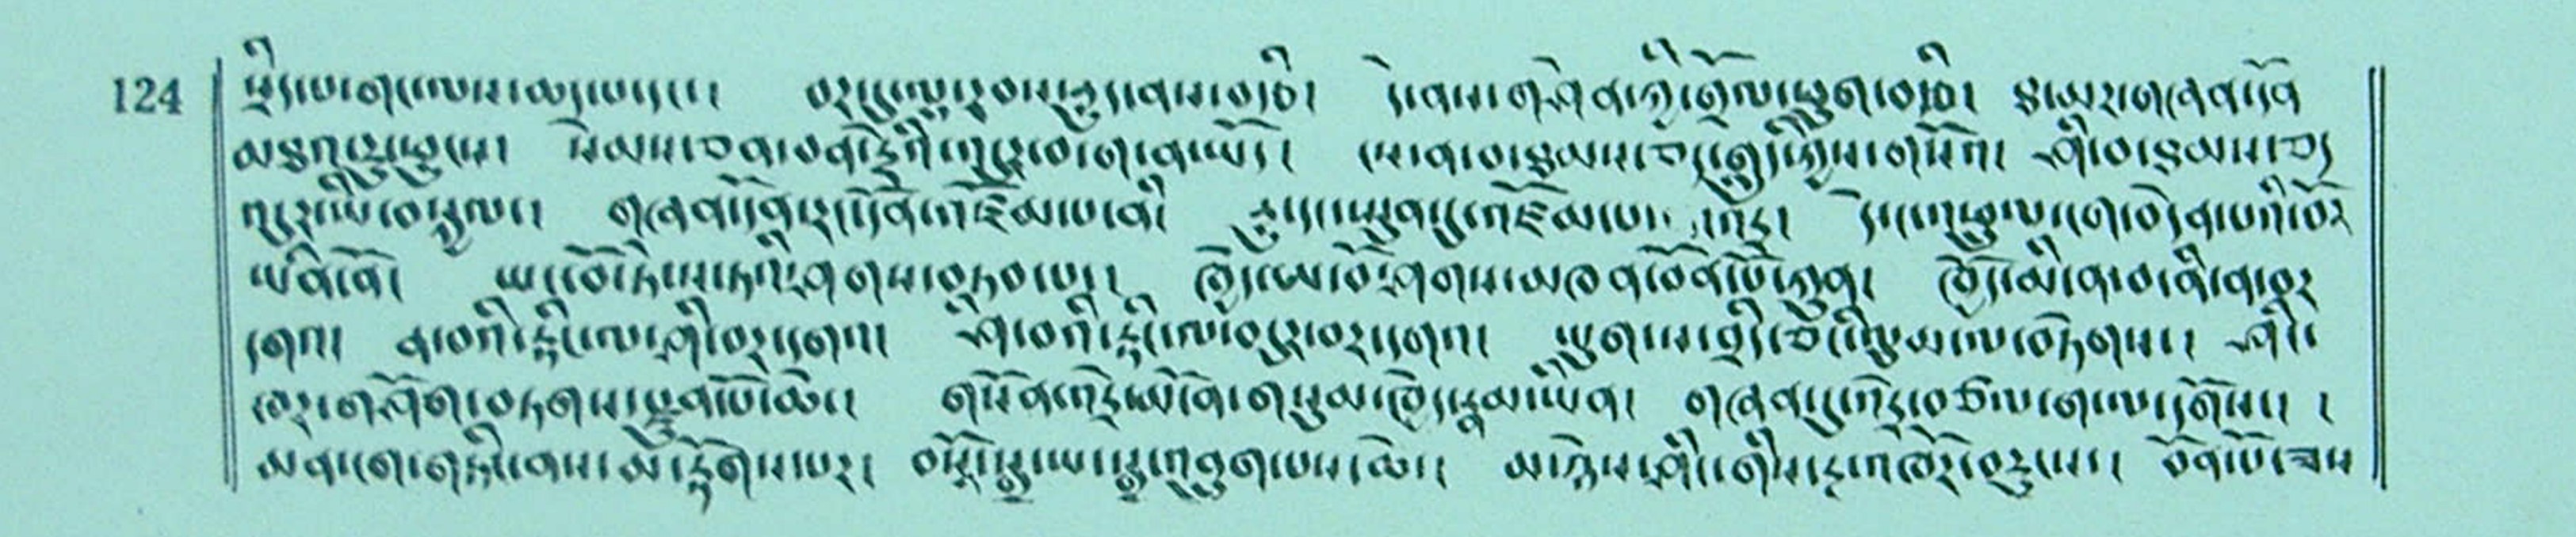སྲིད་པ་གང་ལས་ཆད་པ་དང་། བར་དུ་ལྷ་རབས་རྒྱུད་ནས་བརྩི། དེ་ནས་གཤེན་གྱི་གྲོལ་ཕུགས་རྩིབ། ཐ་མར་གཞན་དོན་
མཐའ་རུ་ཕྱུངས། སེམས་ཅན་བན་དྷེའི་འདུར་བ་ག་ན་ཡོད། ངས་ན་བ་ཐམས་ཅད་གླུད་ཀྱིས་གསོའ། ཤི་བ་ཐམས་ཅད་
འདུར་གྱིས་བསྐྱལ། གཞན་དོན་རང་དོན་འཛོམ་པ་ནི། རྒྱུ་དང་སྤུན་དང་འཛོམ་པ་འདྲ། དེ་ང་འཕྲུལ་ངག་བདེན་པའི་བོན་
ཡིན་ནོ། །ཡང་བོ་ཏེ་ས་ཏ་ཤགས་བཏབ་པ། ཁྱེད་ཨ་བོ་ཤགས་མཁན་བོན་པོ་ཀུན། ཁྱོད་མི་ན་བ་ནི་ན་བར་
དགའ། ན་བའི་རྟིང་ལ་ཤི་བར་དགའ། ཤི་བའི་རྟིང་ལ་བདུར་བར་དགའ། ཡུག་ས་བྲིད་ཅིང་ལྕམ་ལ་བཏེགས། ཤིང་
ཁར་གཤོགས་བཏགས་རྫུན་པོ་ཆེ། གསོན་འདྲེ་མངོན་སུམ་ཁྱེད་རྣམ་ཡིན། གཞན་དུ་འདྲེ་བཙལ་ག་ལ་དགོས། 
མན་ངག་གཏིང་ནས་མ་རྟོགས་པར། བསྭོ་སྒྲ་ཡ་སྒྲ་འབྲུག་བས་ཆེ། མ་ཉེས་ཤིང་གིས་རྔ་མཁོར་བརྡུང་། བོན་པོ་ཟས་